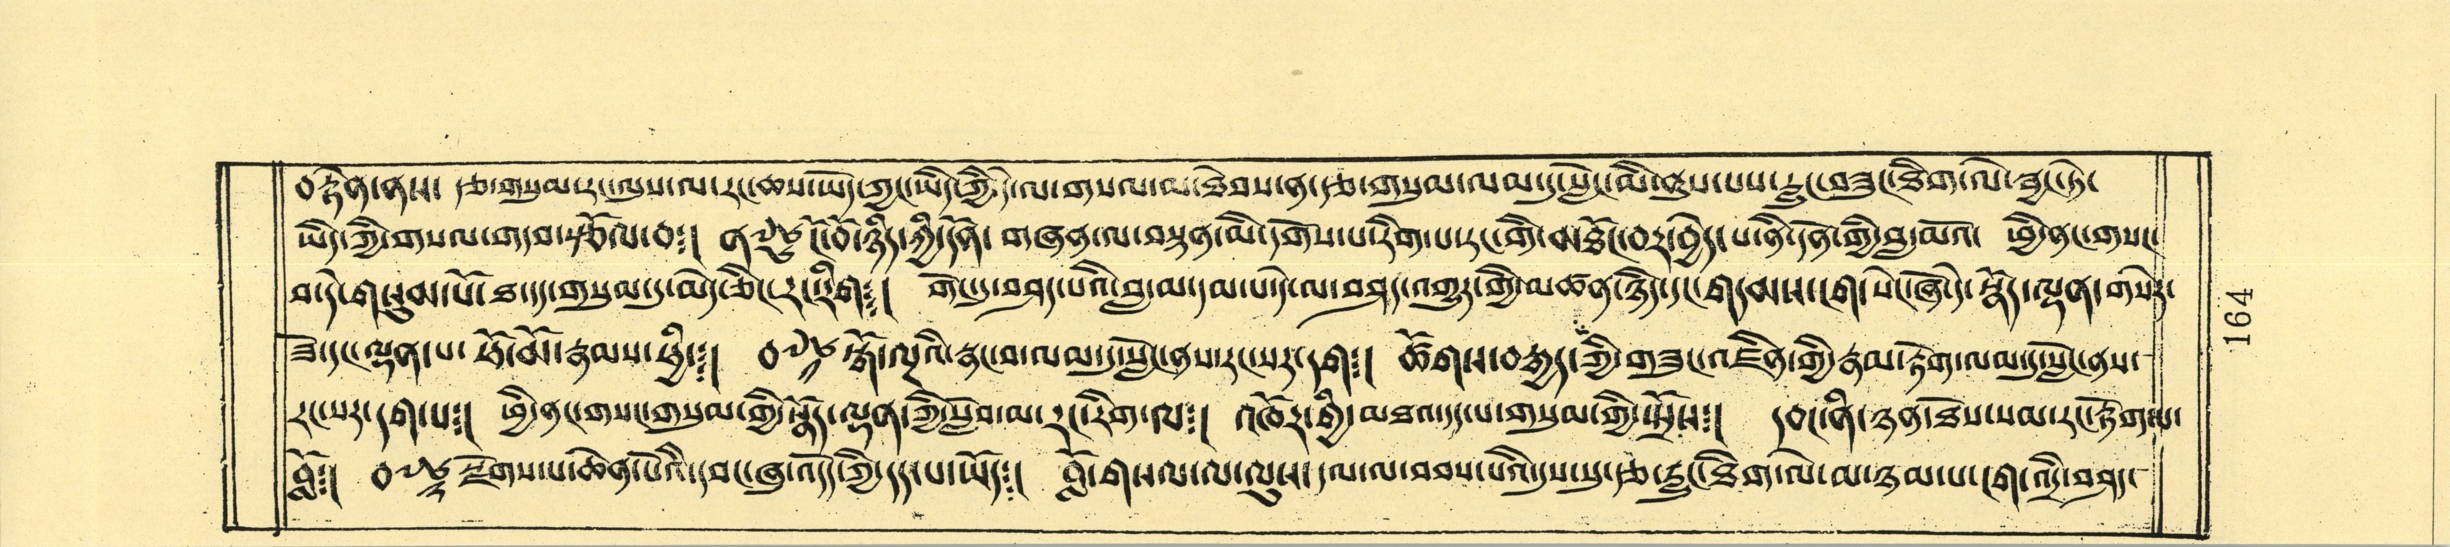༼བརྟེན་ནས༽རྩ་གསུམ་རང་ལུས་ལ་རང་ཆས་ཡོད་ཀྱང་ཡིད་ཀྱིས་དེ་ལ་གསལ་མ་ཐེབས་ན་རྩ་གསུམ་ལམ་དུ་སློང་མི་ནུས་པས་རླུང་བཟུང་ཐིག་ལེ་སྦྱང་སྟེ་
ཡིད་ཀྱི་གསལ་གདབ་༼རྩོལ་བ༽ན༧༦།༦ ༼ངོ་བོ་ཉིད་ཀྱི་དོན༽གཞན་ལ་བསྟན་མི་དགོས་པ་རིག་པ་རང་གི་༼མཐོང་བར་བྱེད་༽པ་ནི་དོན་གྱི་བླ་མའོ། ཕྱི་ནང་གསང་
བ་དེ་༼གསུམ་པོ༽ཐ་དད་གསུམ་དུ་མེད་ཅིང་༼རང་རིག༽གོང་དུ་བཤད་པའི་བླ་མ་དམ་པ་དེ་ལ་བཤད་འགྱུར་གྱི་མཚན་ཉིད་དང་༼གདམས་ངག༽སེང་ཞོ་༼སྣོད་ལྡན༽གསེར་
ཟོ་དང་༼ལྡན་པ༽༼ཕོ་མོ༽རྣམས་༼ཕྱི༽བ༧༦།༡༼སྒོ་ལྔའི༽སྣང་བ་ལམ་དུ་སློང་ནས་རང་སར་༼དག༽༼ཚོགས་བརྒྱད་༽ཀྱི་གཟུང་འཛིན་གྱི་རྣམ་རྟོག་ལམ་སུ་སློང་ནས་
རང་སར་༼དག་པ༽ཕྱི་ནང་གསང་གསུམ་གྱི་སྣོད་ལྡན་གྱི་སློབ་མ་༼རང་རིག་ལ༽༼འཁོར་གྱི༽ཐ་དད་པ་གསུམ་གྱི་༼སྤྲོས་དབང་ནི༽ཉན་ཐོས་སམ་རང་རྟོགས་
༼བློ༽བ༧༦།༢རྫོགས་པ་ཆེན་པོའི་དབང་ཞུ་འདོད་ཀྱི་༼དད་པ་ཡོད༽ ༼བློ་གསལ་ལ་ལུས༽དལ་ལ་བབས་པའི་དུས་སུ་རྩ་རླུང་ཐིག་ལེ་མ་ཉམས་པ་ངག་༼ངག༽འདྲི་བཤད་